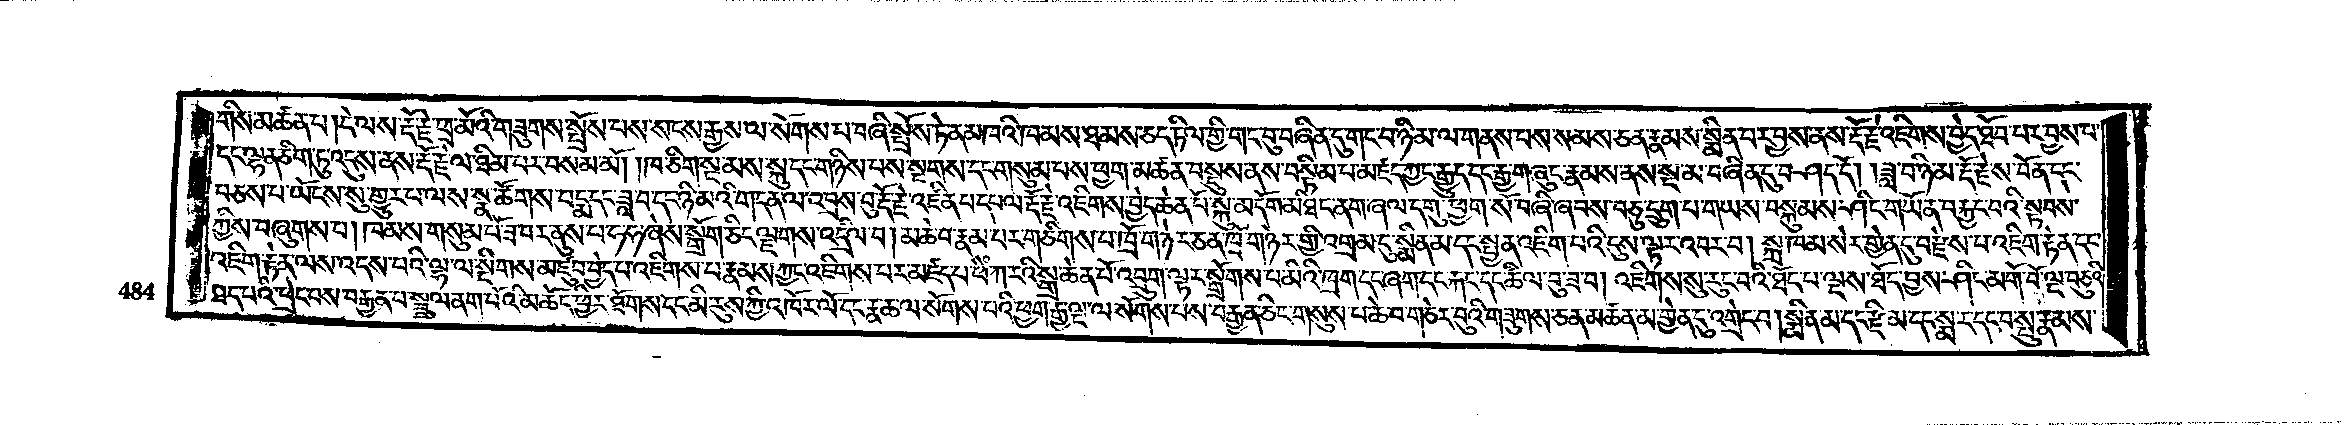གིས་མཚན་པ། དེ་ལས་རྡོ་རྗེ་ཕྲ་མོའི་གཟུགས་སྤྲོས་པས་སངས་རྒྱས་ལ་སོགས་པ་བཞི་སྤྲོས་ཏེ་ནམ་མཁའི་ཁམས་ཐམས་ཅད་ཏིལ་གྱི་གང་བུ་བཞིན་དུ་གང་བ་ཉི་མ་ལ་གནས་པས་སེམས་ཅན་རྣམས་སྨེན་པར་བྱས་ནས་རྡོ་རྗེ་འཇིགས་བྱེད་ཐོབ་པར་བྱས་པ་
དང་ལྷན་ཅིག་ཏུ་འདུས་ནས་རྡོ་རྗེ་ལ་ཐིམ་པར་བསམ་མོ། །ཁ་ཅིག་སྔ་མས་སྐུ་དང་གཉིས་པས་སྔགས་དང་གསུམ་པས་ཕྱག་མཚན་བསྡུས་ནས་བསྟིམ་པ་མཛད་ཀྱང་རྒྱུད་དང་རྒྱ་གཞུང་རྣམས་ནས་སྔ་མ་བཞིན་དུ་བཤད་དོ། །ཟླ་བ་ཉི་མ་རྡོ་རྗེ་ས་བོན་དང་
བཅས་པ་ཡོངས་སུ་གྱུར་པ་ལས་སྣ་ཚོགས་པདམ་དང་ཟླ་བ་དང་ཉི་མའི་གདན་ལ་འབྲས་བུ་རྡོ་རྗེ་འཛིན་པ་དཔལ་རྡོ་རྗེ་འཇིགས་བྱེད་ཆེན་པོ་སྐུ་མདོག་མཐིང་ནག་ཞལ་དགུ་ཕྱག་སོ་བཞི་ཞབས་བཅུ་དྲུག་པ་གཡས་བསྐུམས་ཤིང་གཡོན་བརྐྱང་བའི་སྟབས་
ཀྱིས་བཞུགས་པ། ཁམས་གསུམ་པོ་ཟ་བར་ནུས་པ་ཧ་ཧ་ཞེས་སྒྲོག་ཅིང་ལྗགས་འདྲིལ་བ། མཆེ་བ་རྣམ་པར་གཙིགས་པ་ཁྲོ་གཉེར་ཅན་ཁྲོ་གཉེར་གྱི་འགྲམ་དུ་སྨིན་མ་དང་སྤྱན་འཇིག་པའི་དུས་ལྟར་འབར་བ། སྐྲ་ཁམ་སེར་གྱེན་དུ་བརྫེས་པ་འཇིག་རྟེན་དང་
འཇིག་རྟེན་ལས་འདས་པའི་ལྷ་ལ་སྡིགས་མཛུབ་བྱེད་པ་འཇིགས་པ་རྣམས་ཀྱང་འཇིགས་པར་མཛད་པ་ཕཻཾ་ཀ་རའི་སྒྲ་ཆེན་པོ་འབྲུག་ལྟར་སྒྲོགས་པ་མིའི་ཁྲག་དང་ཞག་དང་རྐང་དང་ཚིལ་བུ་ཟ་བ། འཇིགས་སུ་རུང་བའི་ཐོད་པ་ལྔས་ཐོད་བྱས་ཤིང་མགོ་བོ་ལྔ་བཅུའི་
ཐོད་པའི་ཕྲེང་བས་བརྒྱན་པ་སྦྲུལ་ནག་པོའི་མཆོད་ཕྱིར་ཐོགས་དང་མི་རུས་ཀྱི་འཁོར་ལོ་དང་རྣ་ཆ་ལ་སོགས་པའི་ཕྱག་རྒྱ་ལྔ་ལ་སོགས་པས་བརྒྱན་ཅིང་གསུས་པ་ཆེ་བ་གཅེར་བུའི་གཟུགས་ཅན་མཚན་མ་གྱེན་དུ་འགྲེང་བ། སྨིན་མ་དང་རྫི་མ་དང་སྨ་ར་དང་བ་སྤུ་རྣམས་